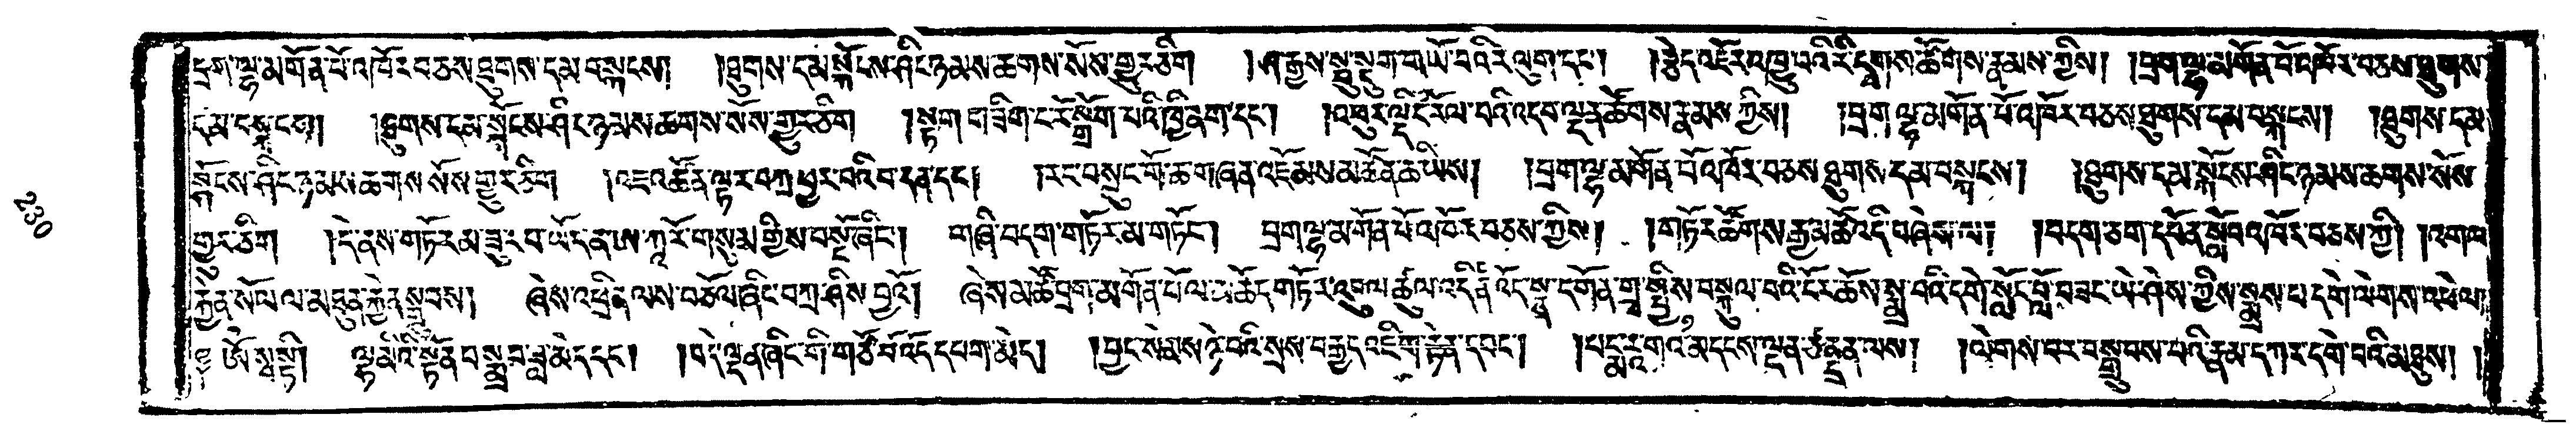བྲག་ལྷ་མགོན་པོ་འཁོར་བཅས་ཐུགས་དམ་བསྐངས། །ཐུགས་དམ་སྐོངས་ཤིང་ཉམས་ཆགས་སོས་གྱུར་ཅིག །ཤ་རྒྱས་སྦུ་སྡུག་གཡོ་བའི་ལུག་དང་། །རྩེད་འཇོར་འཁྱུ་བའི་རི་དྭགས་ཚོགས་རྣམས་ཀྱིས། །བྲག་ལྷ་མགོན་བོ་འཁོར་བཅས་ཐུགས་
དམ་བསྐངས། །ཐུགས་དམ་སྐོངས་ཤིང་ཉམས་ཆགས་སོས་གྱུར་ཅིག །སྟག་གཟིག་ང་རོ་སྒྲོག་པའི་ཁྱི་ནག་དང་། །འཕུར་ལྡིང་རོལ་བའི་འདབ་ལྡན་ཚོགས་རྣམས་ཀྱིས། །བྲག་ལྷ་མགོན་པོ་འཁོར་བཅས་ཐུགས་དམ་བསྐངས། །ཐུགས་དམ་
སྒོངས་ཤིང་ཉམས་ཆགས་སོས་གྱུར་ཅིག །འཇའ་ཚོན་ལྟར་བཀྲ་ཕྱར་བའི་བ་དན་དང་། །རང་བསྲུང་གོ་ཆ་གཞན་འཇོམས་མཚོན་ཆ་ཡིས། །བྲག་ལྷ་མགོན་པོ་འཁོར་བཅས་ཐུགས་དམ་བསྐངས། །ཐུགས་དམ་སྐོངས་ཤིང་ཉམས་ཆགས་སོས་
གྱུར་ཅིག །དེ་ནས་གཏོར་མ་ཟུར་བ་ཡོད་ན་ཨ་ཀཱ་རོ་གསུམ་གྱིས་བསྔོ་ཞིང་། གཞི་བདག་གཏོར་མ་གཏོང་། བྲག་ལྷ་མགོན་པོ་འཁོར་བཅས་ཀྱིས། །གཏོར་ཚོགས་རྒྱ་མཚོ་འདི་བཞེས་ལ། །བདག་ཅག་དབོན་སློབ་འཁོར་བཅས་ཀྱི། །འགལ་
རྐྱེན་སོལ་ལ་མཐུན་རྐྱེན་སྒྲུབས། ཞེས་འཕྲིན་ལས་བཅོལ་ཞིང་བཀྲ་ཤིས་བྱའོ། ཞེས་མཚོ་བྲག་མགོན་པོ་ལ་མཆོད་གཏོར་འབུལ་ཚུལ་འདི་ནི་འོད་སྣ་དགོན་གྲྭ་སྤྱིས་བསྐུལ་བའི་ངོར་ཆོས་སྨྲ་བའི་དགེ་སློང་བློ་བཟང་ཡེ་ཤེས་ཀྱིས་སྨྲས་པ་དགེ་ལེགས་འཕེལ་
༈ ཨོཾ་སྭསྟི། ལྷ་མིའི་སྟོན་བ་སྨྲ་བ་བླ་མེད་དང་། །བདེ་ལྡན་ཞིང་གི་གཙོ་བོ་འོད་དཔག་མེད། །བྱང་སེམས་ཉེ་བའི་སྲས་བརྒྱད་འཇིག་རྟེན་དབང་། །པདམ་རཱ་གའ་མདངས་ལྡན་ཙནྡྲན་ལས། །ལེགས་བར་བསྒྲུབས་པའི་རྣམ་དཀར་དགེ་བའི་མཐུས། །